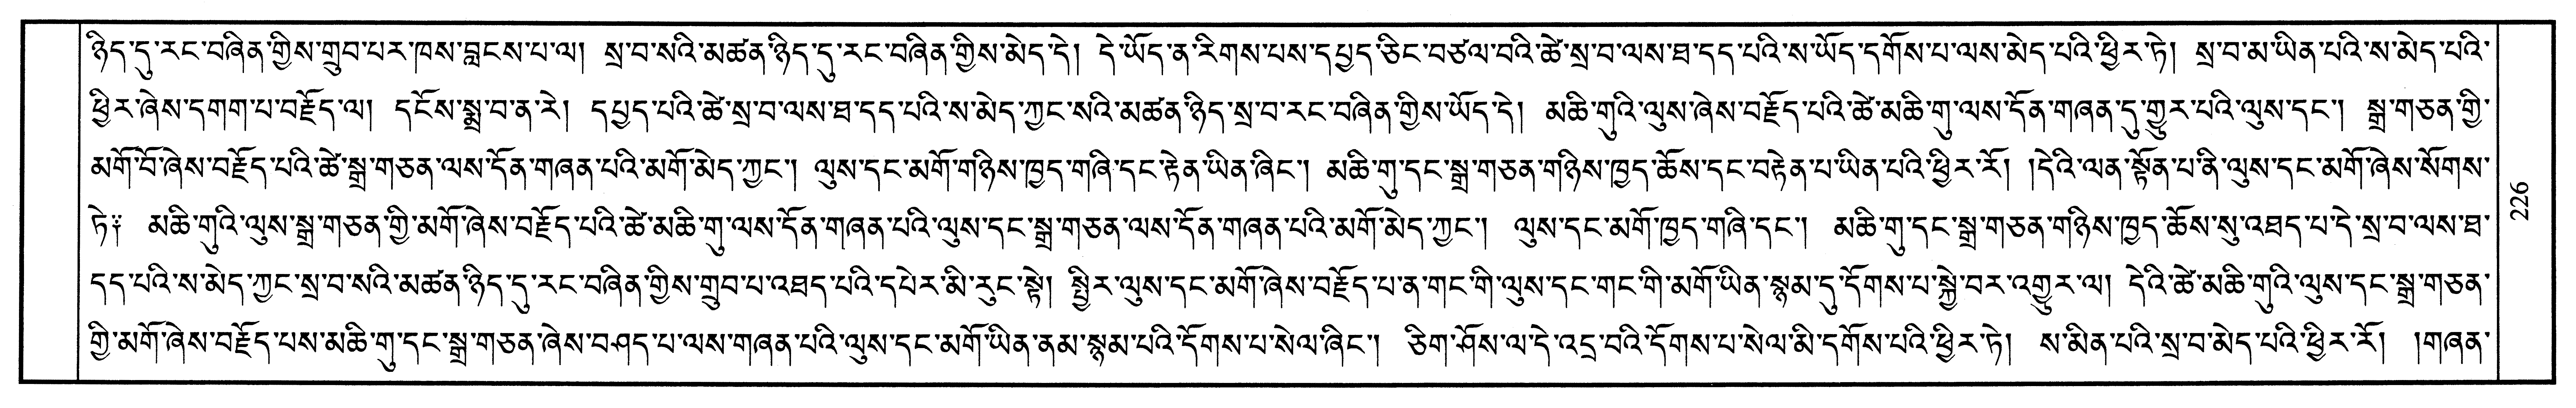ཉིད་དུ་རང་བཞིན་གྱིས་གྲུབ་པར་ཁས་བླངས་པ་ལ། སྲ་བ་སའི་མཚན་ཉིད་དུ་རང་བཞིན་གྱིས་མེད་དེ། དེ་ཡོད་ན་རིགས་པས་དཔྱད་ཅིང་བཙལ་བའི་ཚེ་སྲ་བ་ལས་ཐ་དད་པའི་ས་ཡོད་དགོས་པ་ལས་མེད་པའི་ཕྱིར་ཏེ། སྲ་བ་མ་ཡིན་པའི་ས་མེད་པའི་
ཕྱིར་ཞེས་དགག་པ་བརྗོད་ལ། དངོས་སྨྲ་བ་ན་རེ། དཔྱད་པའི་ཚེ་སྲ་བ་ལས་ཐ་དད་པའི་ས་མེད་ཀྱང་སའི་མཚན་ཉིད་སྲ་བ་རང་བཞིན་གྱིས་ཡོད་དེ། མཆི་གུའི་ལུས་ཞེས་བརྗོད་པའི་ཚེ་མཆི་གུ་ལས་དོན་གཞན་དུ་གྱུར་པའི་ལུས་དང་། སྒྲ་གཅན་གྱི་
མགོ་བོ་ཞེས་བརྗོད་པའི་ཚེ་སྒྲ་གཅན་ལས་དོན་གཞན་པའི་མགོ་མེད་ཀྱང་། ལུས་དང་མགོ་གཉིས་ཁྱད་གཞི་དང་རྟེན་ཡིན་ཞིང་། མཆི་གུ་དང་སྒྲ་གཅན་གཉིས་ཁྱད་ཆོས་དང་བརྟེན་པ་ཡིན་པའི་ཕྱིར་རོ། །དེའི་ལན་སྟོན་པ་ནི་ལུས་དང་མགོ་ཞེས་སོགས་
ཏེ༑ མཆི་གུའི་ལུས་སྒྲ་གཅན་གྱི་མགོ་ཞེས་བརྗོད་པའི་ཚེ་མཆི་གུ་ལས་དོན་གཞན་པའི་ལུས་དང་སྒྲ་གཅན་ལས་དོན་གཞན་པའི་མགོ་མེད་ཀྱང་། ལུས་དང་མགོ་ཁྱད་གཞི་དང་། མཆི་གུ་དང་སྒྲ་གཅན་གཉིས་ཁྱད་ཆོས་སུ་འཐད་པ་དེ་སྲ་བ་ལས་ཐ་
དད་པའི་ས་མེད་ཀྱང་སྲ་བ་སའི་མཚན་ཉིད་དུ་རང་བཞིན་གྱིས་གྲུབ་པ་འཐད་པའི་དཔེར་མི་རུང་སྟེ། སྤྱིར་ལུས་དང་མགོ་ཞེས་བརྗོད་པ་ན་གང་གི་ལུས་དང་གང་གི་མགོ་ཡིན་སྙམ་དུ་དོགས་པ་སྐྱེ་བར་འགྱུར་ལ། དེའི་ཚེ་མཆི་གུའི་ལུས་དང་སྒྲ་གཅན་
གྱི་མགོ་ཞེས་བརྗོད་པས་མཆི་གུ་དང་སྒྲ་གཅན་ཞེས་བཤད་པ་ལས་གཞན་པའི་ལུས་དང་མགོ་ཡིན་ནམ་སྙམ་པའི་དོགས་པ་སེལ་ཞིང་། ཅིག་ཤོས་ལ་དེ་འདྲ་བའི་དོགས་པ་སེལ་མི་དགོས་པའི་ཕྱིར་ཏེ། ས་མིན་པའི་སྲ་བ་མེད་པའི་ཕྱིར་རོ། །གཞན་